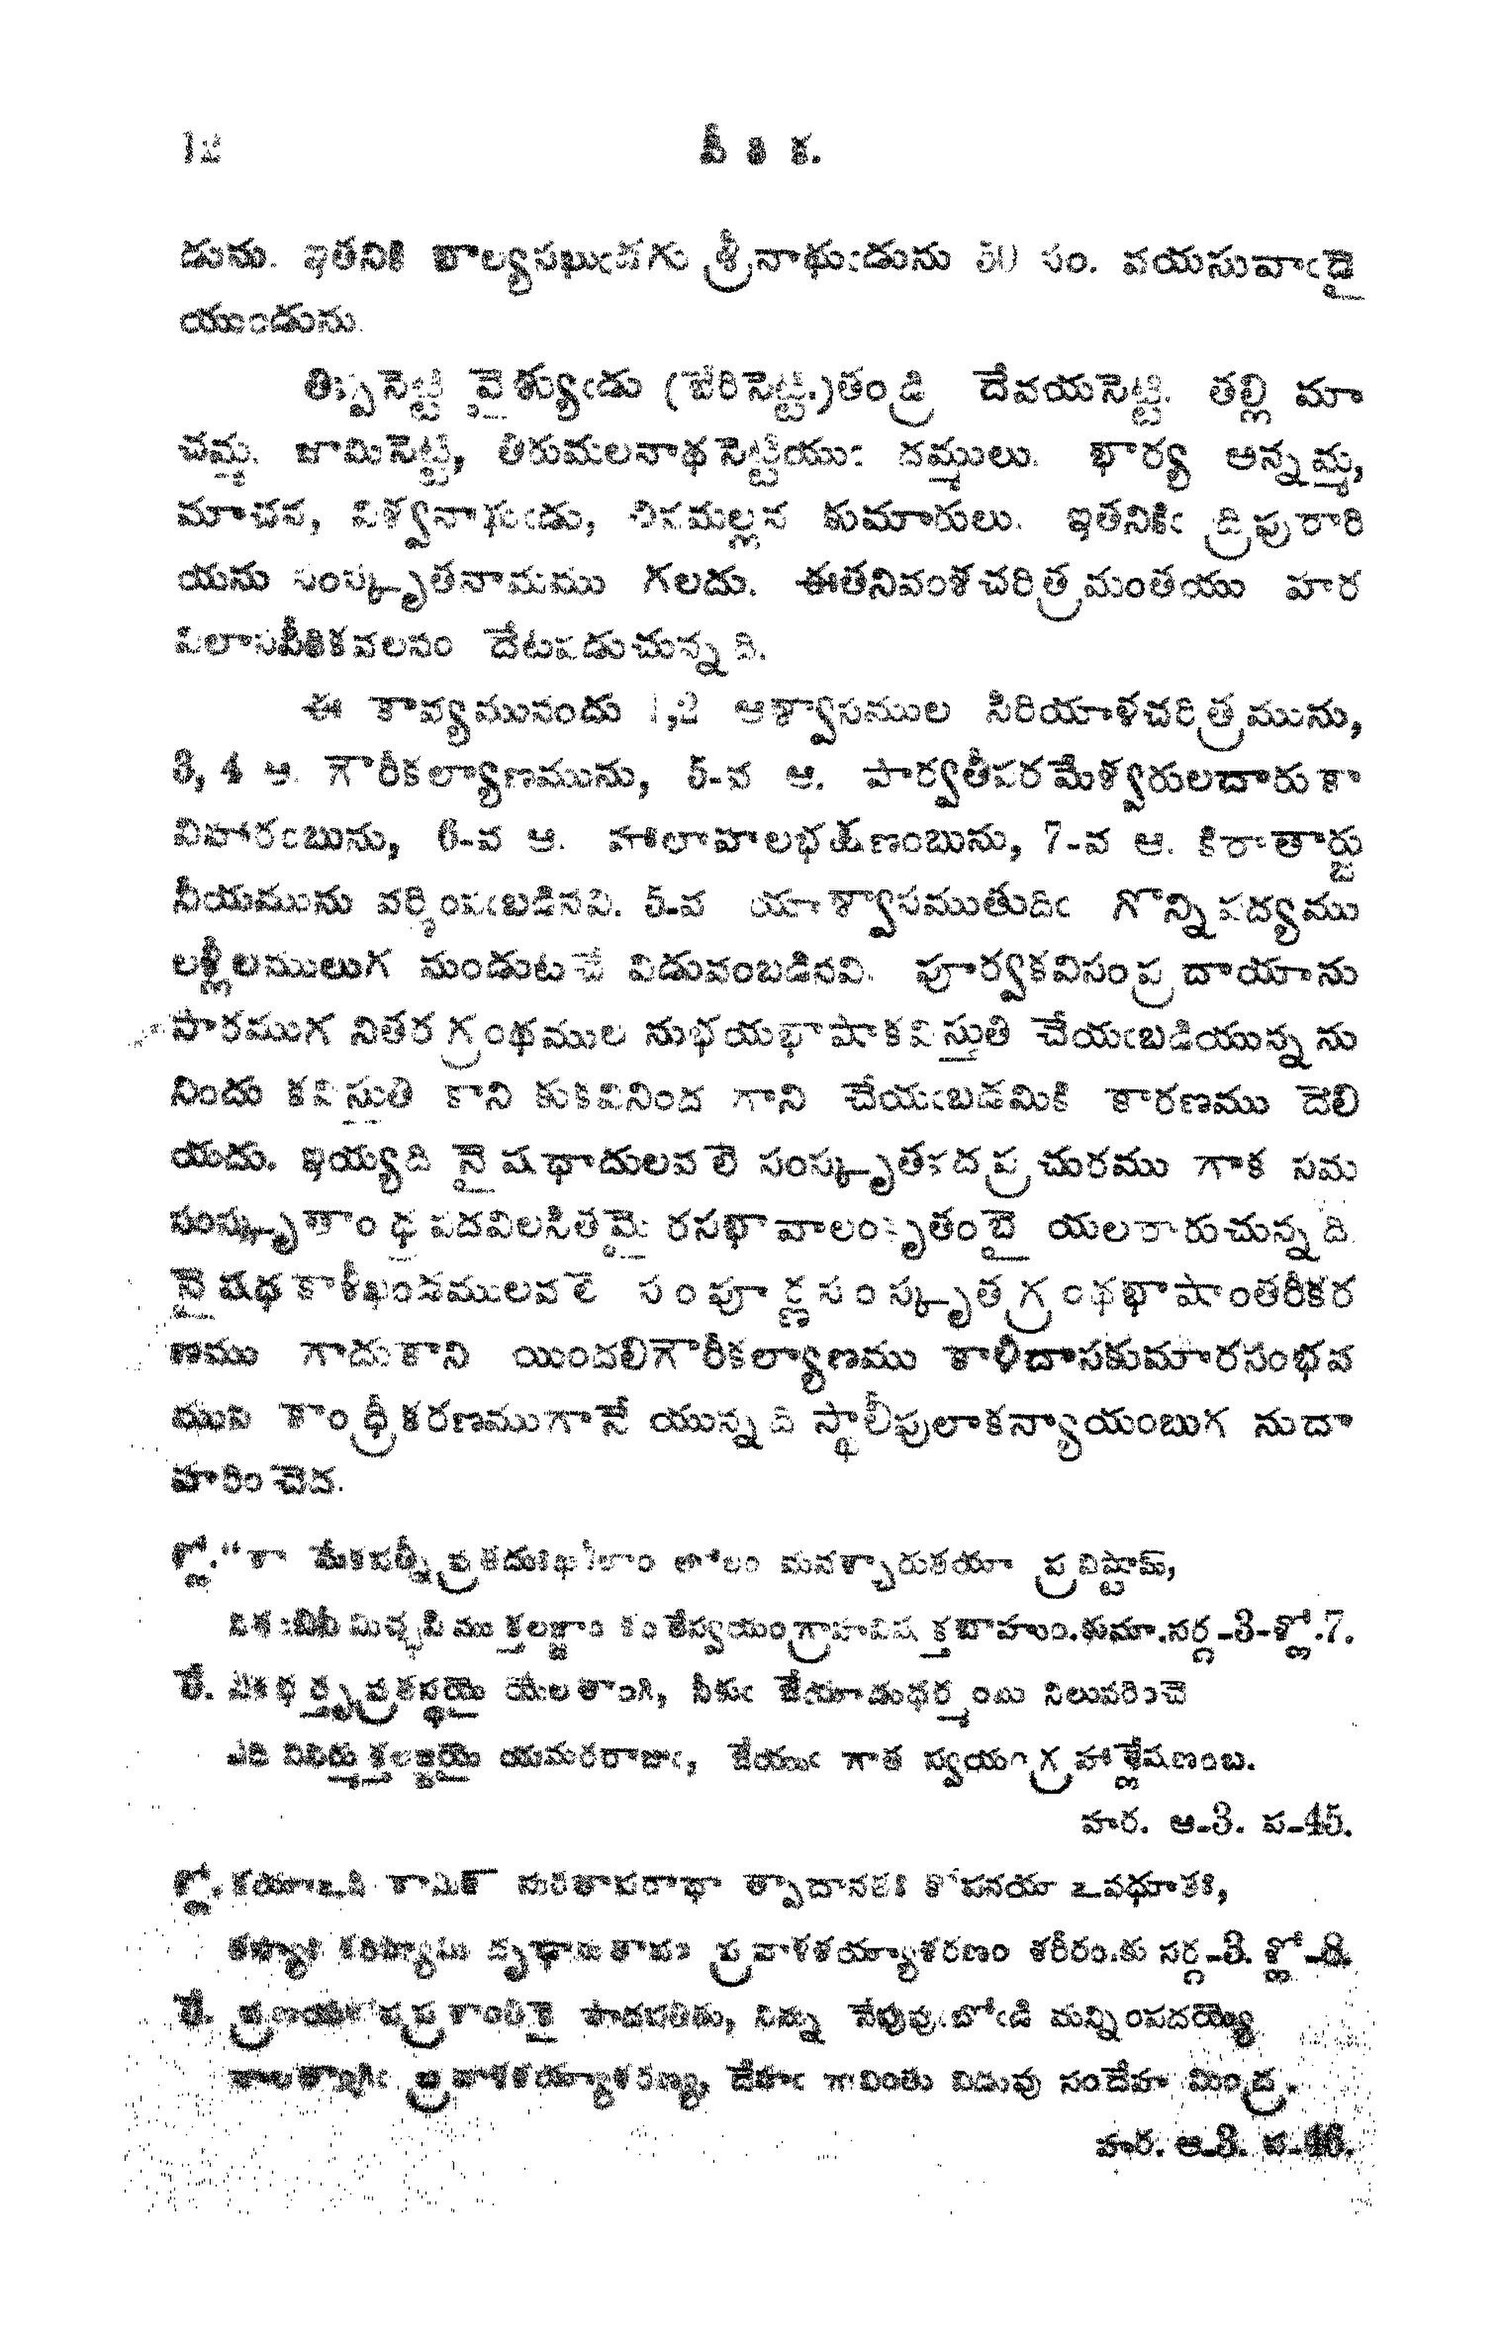డును. ఇతనికి బాల్యసఖుఁడగు శ్రీనాథుఁడును 50 సం. వయసువాఁడై యుండును.

తిప్పసెట్టి వైశ్యుఁడు (బేరిసెట్టి) తండ్రి దేవయసెట్టి. తల్లి మాచమ్మ. జామిసెట్టి, తిరుమలనాథసెట్టియుఁ దమ్ములు. భార్య అన్నమ్మ, మాచన, విశ్వనాథుఁడు, చినమల్లన కుమారులు. ఇతనికిఁ ద్రిపురారియను సంస్కృతనామము గలదు. ఈతనివంశచరిత్రమంతయు హరవిలాసపీఠికవలనం దేటపడుచున్నది.

ఈ కావ్యమునందు 1,2 ఆశ్వాసముల సిరియాళచరిత్రమును, 3, 4 ఆ గౌరీకల్యాణమును, 5-వ ఆ. పార్వతీపరమేశ్వరులదారుకావిహారంబును, 6-వ ఆ. హాలాహలభక్షణంబును, 7-వ ఆ. కిరాతార్జునీయమును వర్ణింబడినవి. 5-వ యాశ్వాసముతుదిఁ గొన్నిపద్యము లశ్లీలములుగ నుండుటచే విడువంబడినవి. పూర్వకవిసంప్రదాయానుసారముగ నితరగ్రంథముల నుభయభాషాకవిస్తుతి చేయఁబడియున్నను నిందు కవిస్తుతి కాని కుకువినింద గాని చేయఁబడమికి కారణము దెలియదు. ఇయ్యది నైషధాదులవలె సంస్కృతపదప్రచురము గాక సమసంస్కృతాంధ్రపదవిలసితమై రసభావాలంకృతంబై యలరారుచున్నది. నైషధకాశీఖండములవలె సంపూర్ణసంస్కృతగ్రంథభాషాంతరీకరణము గాదుకాని యిందలిగౌరీకల్యాణము కాళిదాసకుమారసంభవమున కాంధ్రీకరణముగానే యున్నది స్థాలీపులాకన్యాయంబుగ నుదాహరించెద. 

శ్లో."కా మేకపత్నీవ్రతదుఃఖశీలాం లోలం మనశ్చారుతయా ప్రవిష్టామ్,
నితంబినీ మిచ్ఛపి ముక్తలజ్జాం కంఠేస్వయంగ్రాహవిషక్బాతబాహుం. కుమా. సర్గ 3 శ్లో.7. 

తే. ఏకభర్తృవ్రతస్థయై యేలతాంగి, నీకుఁ జేయాడుధర్మంబు నిలువరించె
నది వినిర్ముక్తలజ్జయై యమరరాజుఁ, జేయుఁ గాత స్వయంగ్రహాశ్లేషణంబ. హర. ఆ-3. ప-45. 

శ్లో. కయా౽పి కామిన్ సురతాపరాధా త్పాదానతః కోపనయా౽వధూతః,
తస్యాం కరిష్యామి దృఢానుతాపం ప్రవాళళయ్యాశరణం శరీరం. కుమా. సర్గ-3. శ్లో-8 

ఆ. ప్రణయకోపప్రశాంతికై పాదపతితు, నిన్ను నేపువుఁబోఁడి మన్నింపదయ్యె
నాలతాంగిఁ బ్రవాళశయ్యాశరణ్య, దేహఁ గావింతు విడువు సందేహ మింద్ర. హర. ఆ-3. ప-46